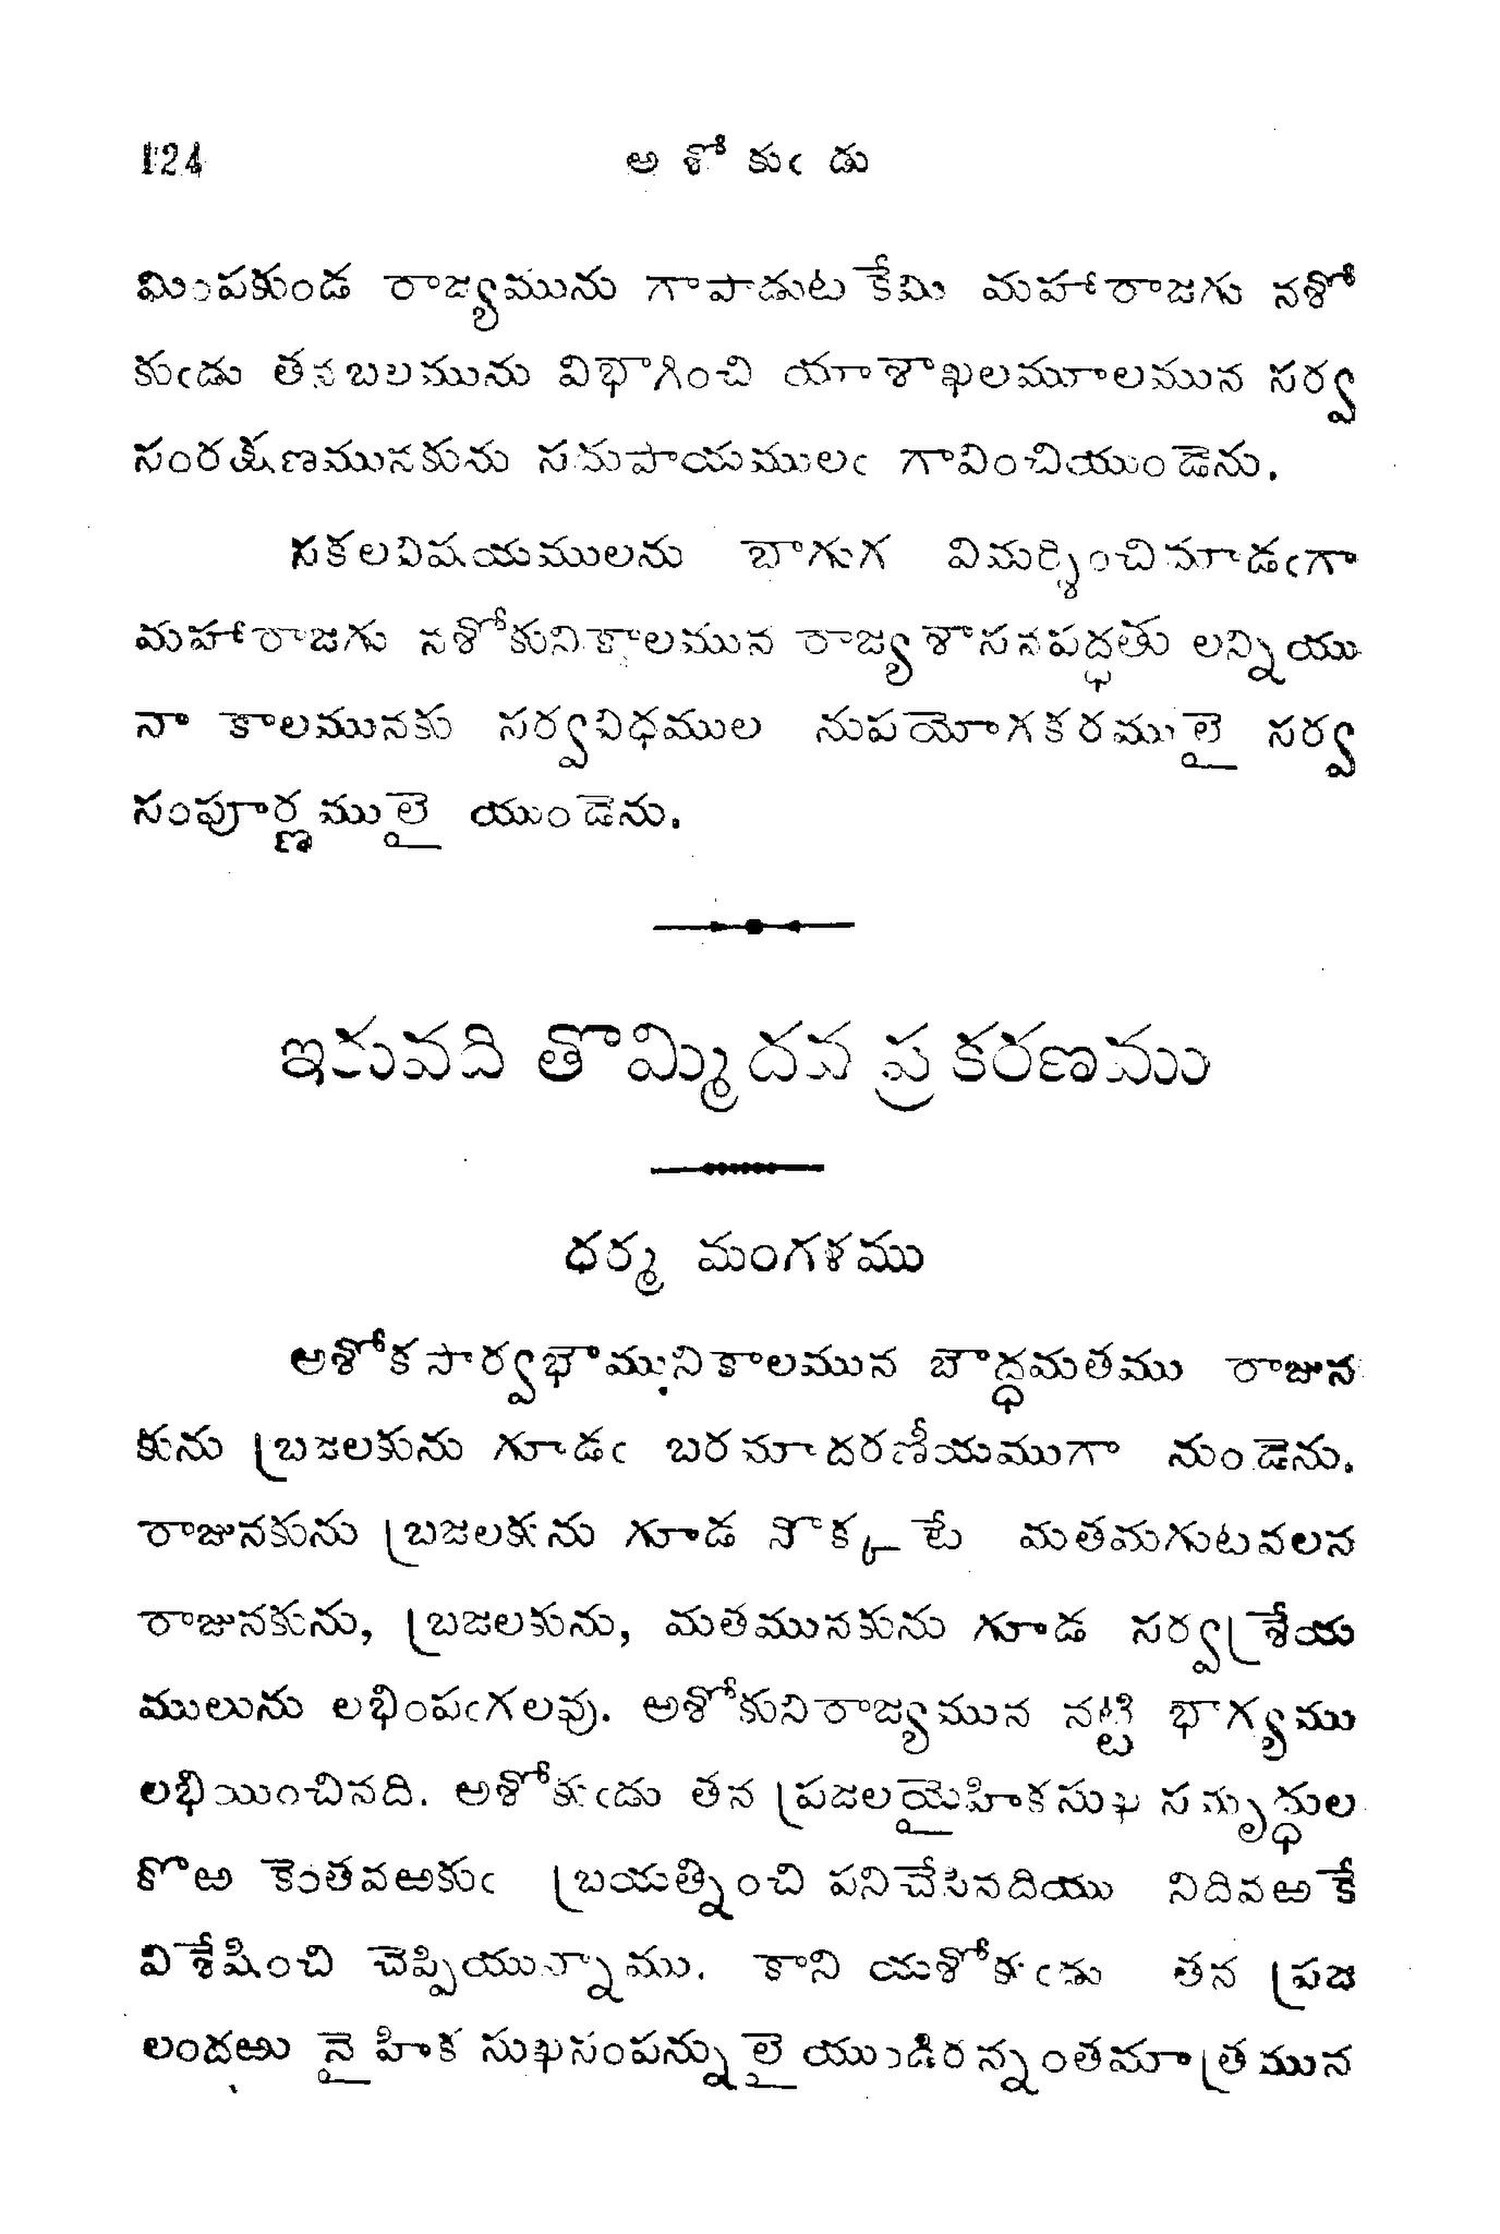మింపకుండ రాజ్యమును గాపాడుట కేమి మహారాజగు నశోకుఁడు తన బలమును విభాగించి యాశాఖలమూలమున సర్వ సంరక్షణమునకును సమపాయములఁ గావించియుండెను.

సకలవిషయములను బాగుగ విమర్శించి చూడఁగా మహారాజగు నశోకుని కాలమున రాజ్య శాసన పద్ధతు లన్నియు నా కాలమునకు సర్వవిధముల నుపయోగకరములై సర్వ సంపూర్ణములై యుండెను.

అశోక సార్వభౌముని కాలమున బౌద్ధమతము రాజునకును బ్రజలకును గూడఁ బరమాదరణీయముగా నుండెను. రాజునకును బ్రజలకును గూడ నొక్కటే మతమగుటవలన
రాజునకును, బ్రజలకును, మతమునకును గూడ సర్వ శ్రేయములును లభింపఁగలవు. అశోకుని రాజ్యమున నట్టి భాగ్యము లభియించినది. అశోకుడు తన ప్రజల యైహికసుఖ సమృద్ధుల కొఱకెంతవఱకుఁ బ్రయత్నించి పని చేసినదియు నిదివఱకే విశేషించి చెప్పియున్నాము. కాని యశోకుఁడు తన ప్రజలందఱు నైహిక సుఖసంపన్ను లై యుండిర న్నంతమాత్రమున